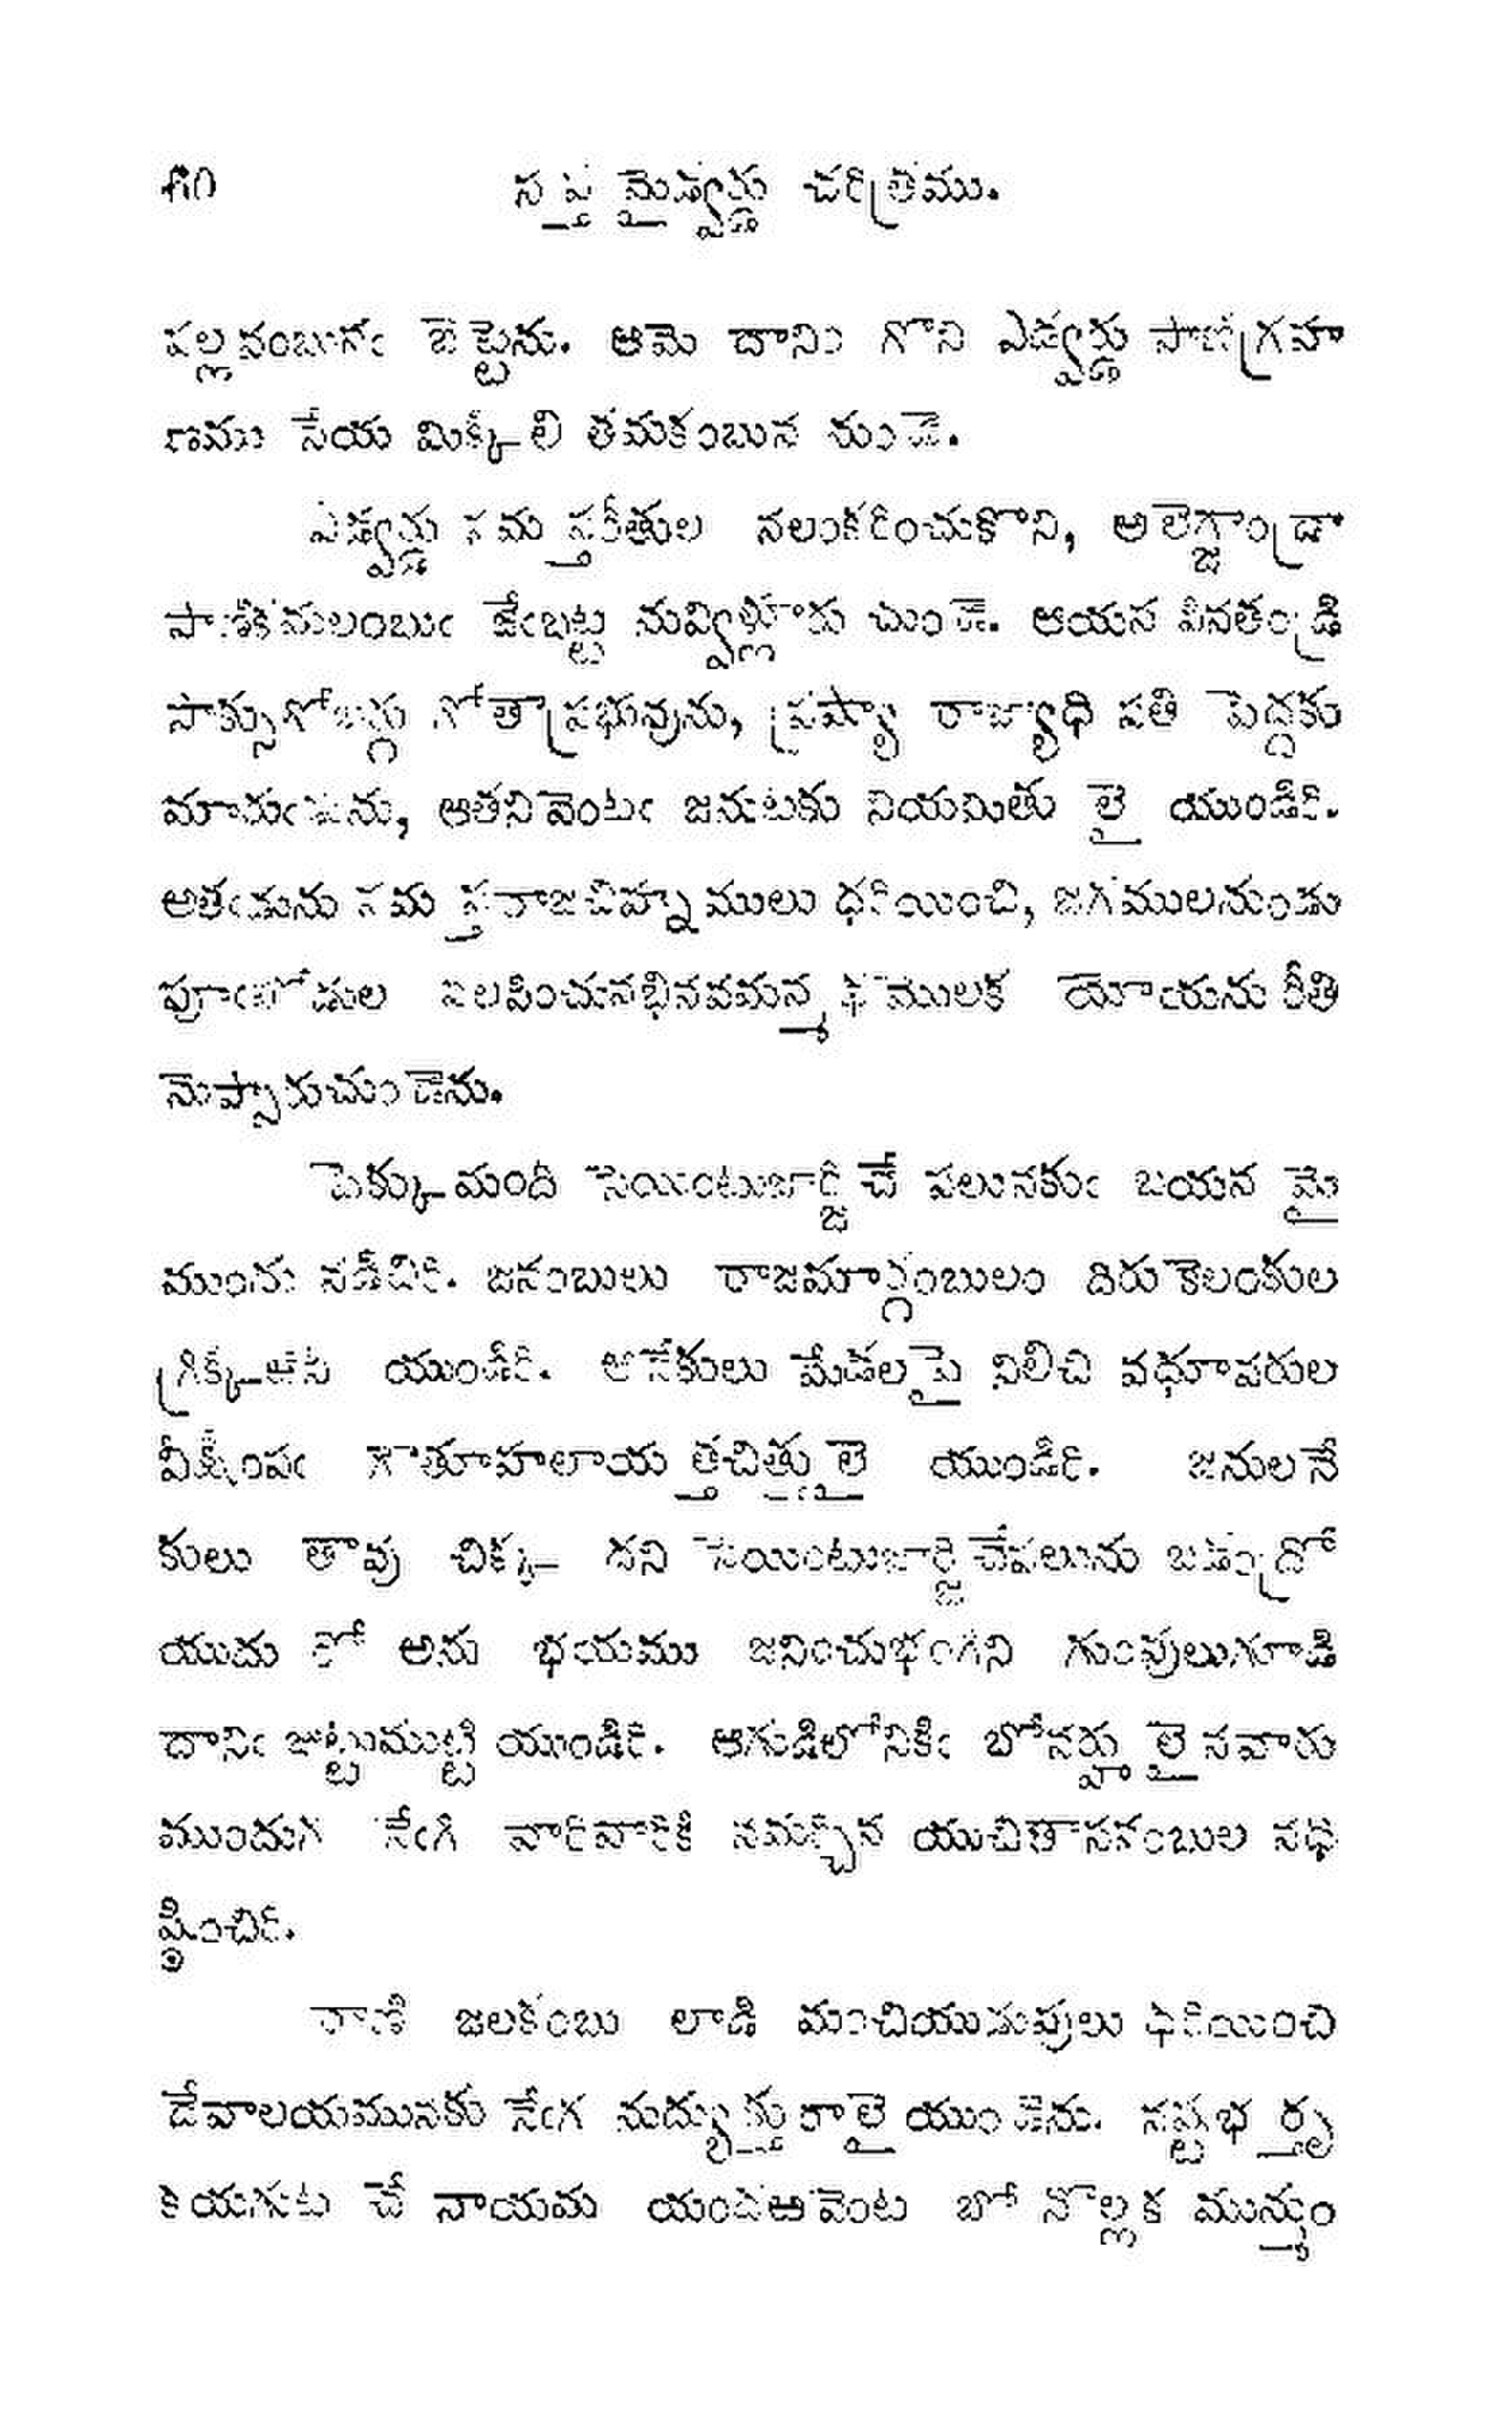వల్లవంబన బెట్టెను. ఆమె దానిని గొని ఎడ్వర్డు పాణి గ్రహణము సేయ మిక్కిలి తమకంబున నుండె ఎడ్వర్డు నమ స్తరీతుల నలంక రించుకొని, అలెగ్జాండ్రా పాణి కమలంబు చేబట్ట నువ్విళ్లూరు చుండెను. ఆయన పినతండ్రి సాక్సుగోబర్గు గోతాప్రభువును, ప్రష్యా రాజ్యాధి పతి పెద్దకు
మారుఁడను, అతని వెంటఁ జనుటకు నియమితులై యుండిరి. అతడును సమస్తరాజ చిహ్నములు ధరించి, జగములనుండు పూబోడుల వలపించ నభినవమన్మద ములక యోయను రీతి
నెప్పారుచుండెను.

పెక్కు మంది సెయింటుజార్జిచే పలునకు: బయన మై ముందు నుంచి జనంబులు రాజమార్గంబులం దిరు కెలంకుల గిక్కిరిసి యుండిరి. ఆనేకులు మేడల పై నిలిచి వధూవరుల
వీక్షింప గౌతుహలాయ చిత్తులై యుండిరి, జనులనేకులు తాపు చిక్క దని సెయింటు జార్జి చేపలును బండం ద్రోయుదురో అను భయము జనించుభంగిని గుంపులు గూడి దాని జుట్టు ముట్టి యుండిరి. ఆగుడిలోనికి; బోనర్హులైనవారు ముందు నేగి వారివారికి నమర్చిన యుచితాసనంబుల నధి
ష్టించిరి.

రాణీ జలకంబు లాడి మంచి యుడుపులను దరియించి దేవాలయమునకు నేఁగ నుద్యుక్తురాలై యుండెను. నష్టభర్తృక యగుటచే నాయమ యందఱ వెంట. బో నొల్లక మున్ముం